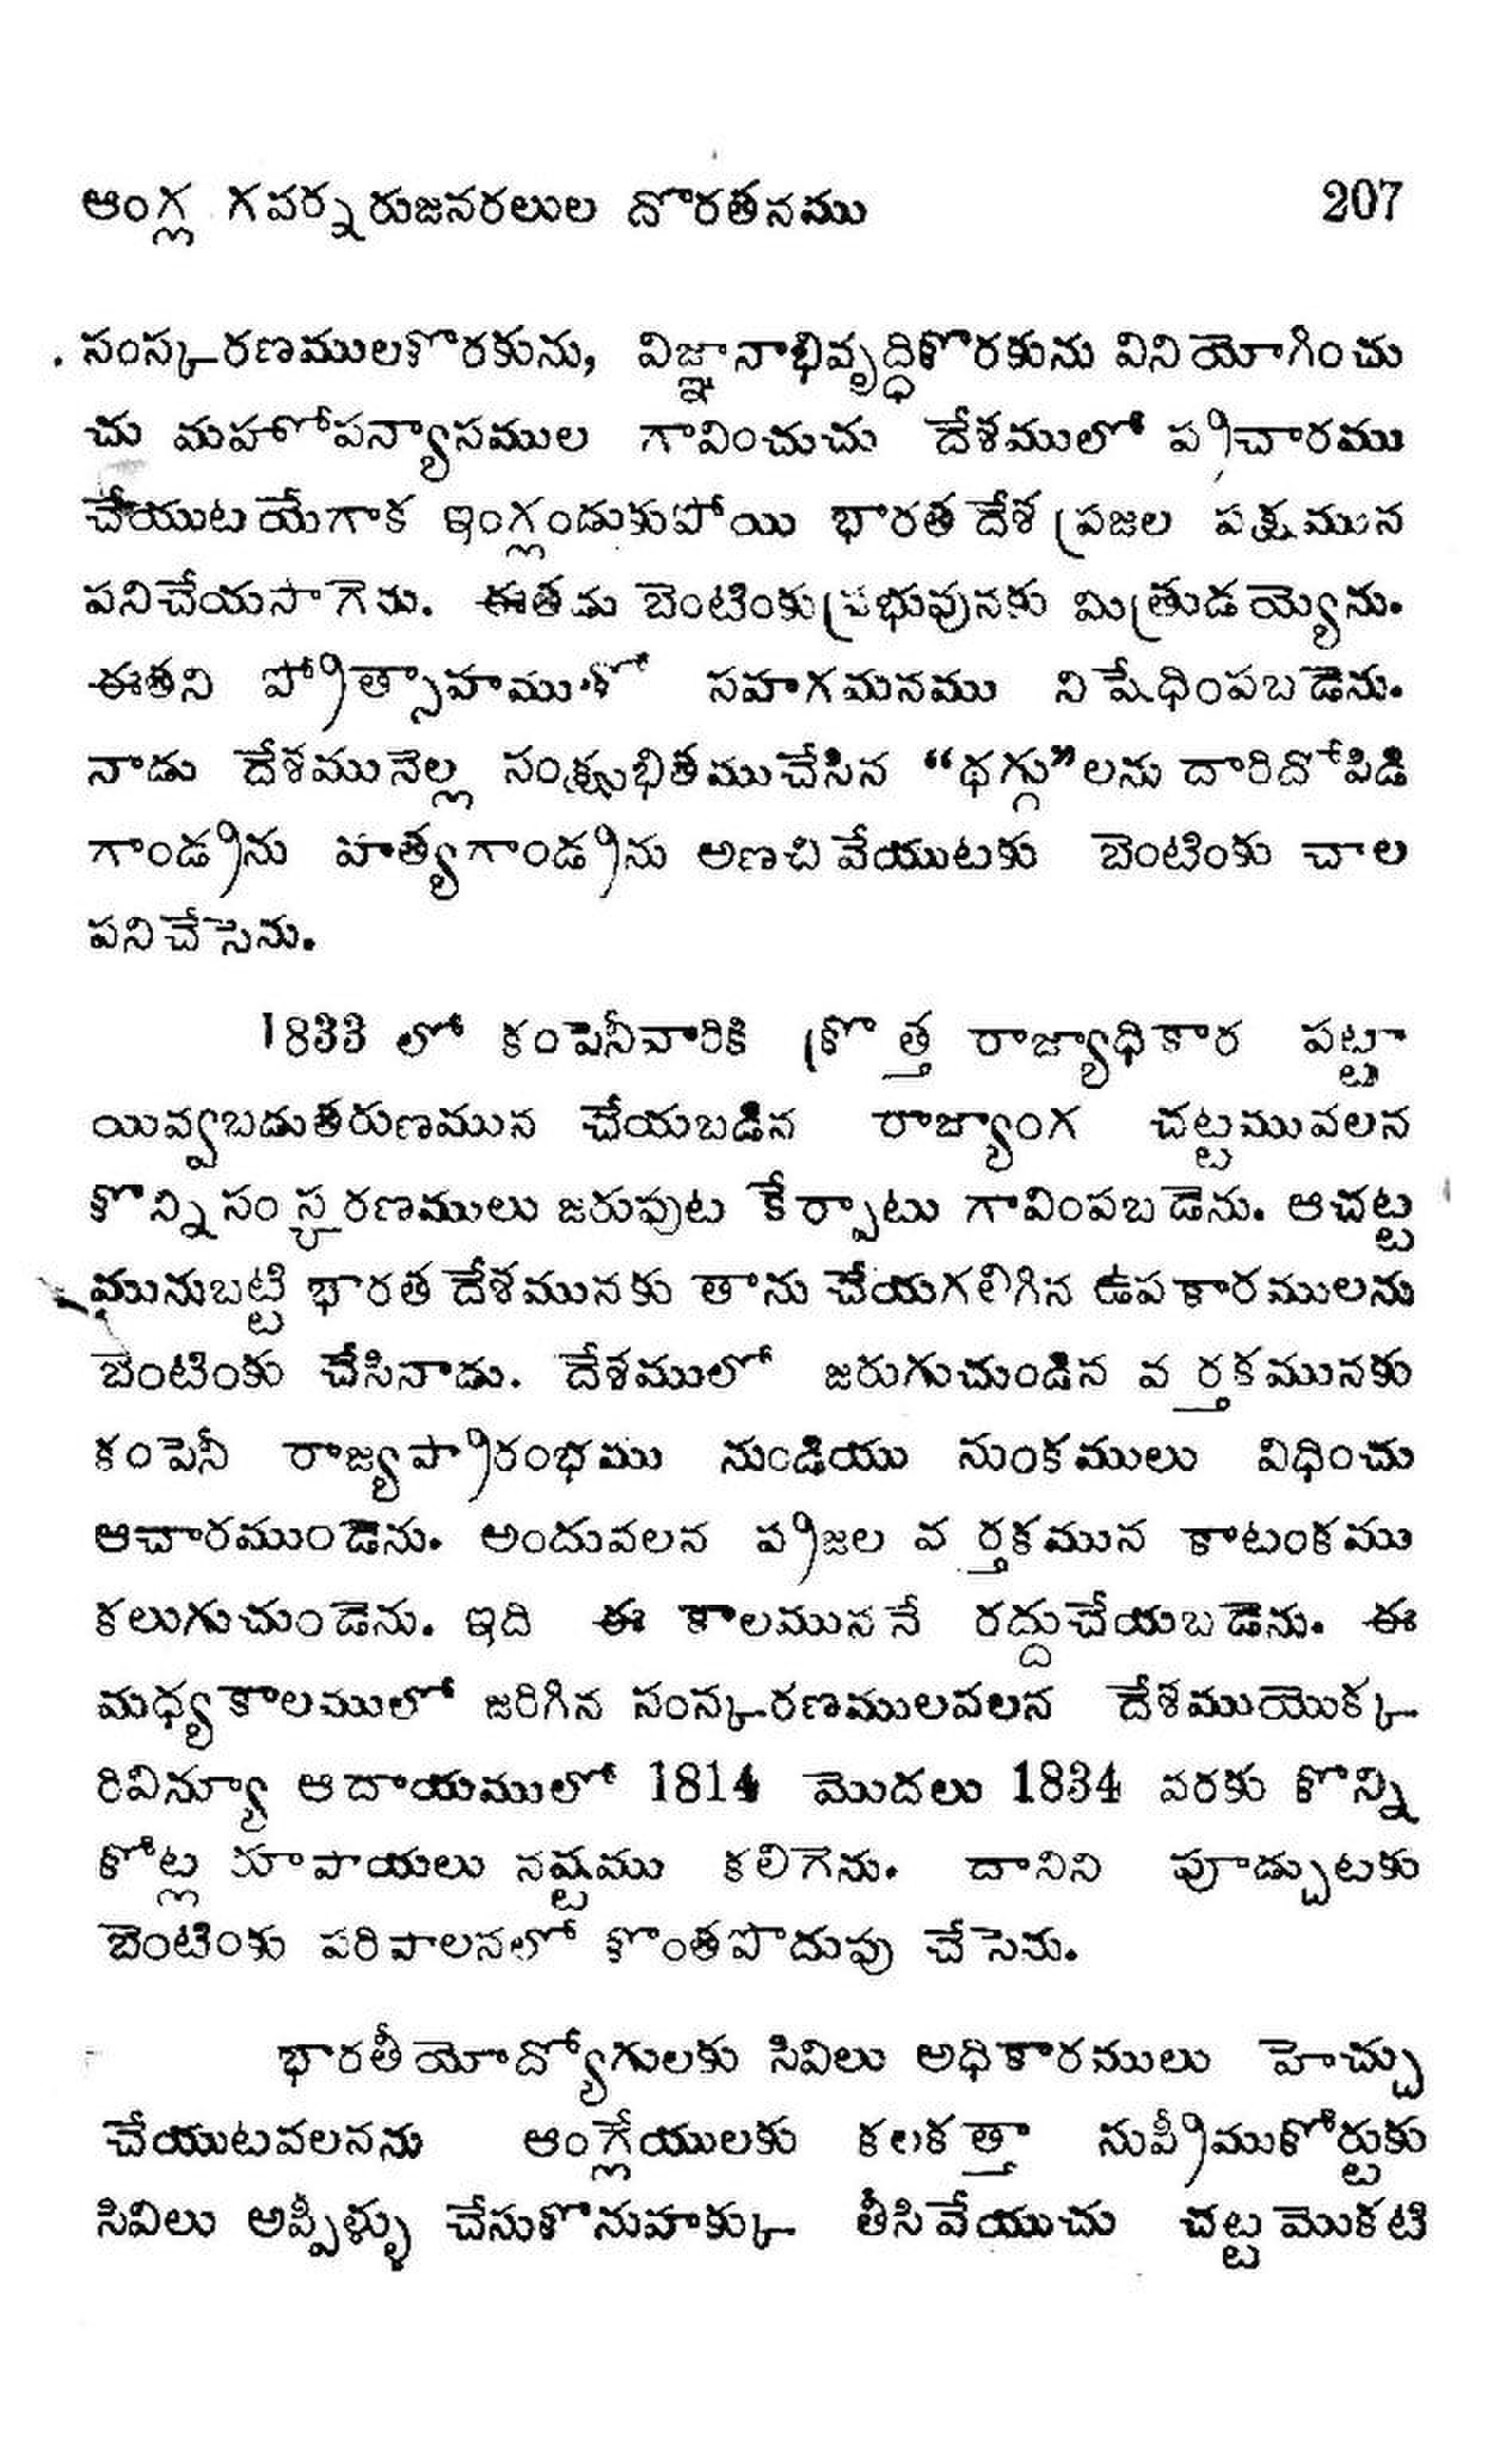సంస్కరణములకొరకును, విజ్ఞానాభివృద్ధికొరకును వినియోగించుచు మహోపన్యాసముల గావించుచు దేశములో ప్రచారముచేయుటయేగాక ఇంగ్లండుకుపోయి భారతదేశప్రజల పక్షమున పనిచేయసాగెను. ఈతడు బెంటింకు ప్రభువునకు మిత్రుడయ్యెను. ఈతని ప్రోత్సాహముతో సహగమనము నిషేధింపబడెను. నాడు దేశమునెల్ల సంక్షుభితముచేసిన “థగ్గు"లను దారిదోపిడిగాండ్రను హత్యగాండ్రను అణచివేయుటకు బెంటింకు చాల పనిచేసెను.

1833 లో కంపెనీవారికి క్రొత్త రాజ్యాధికార పట్టా యివ్వబడుతరుణమున చేయబడిన రాజ్యాంగ చట్టమువలన కొన్ని సంస్కరణములు జరువుట కేర్పాటు గావింపబడెను. ఆచట్టమునుబట్టి భారతదేశమునకు తాను చేయగలిగిన ఉపకారములను బెంటింకు చేసినాడు. దేశములో జరుగుచుండిన వర్తకమునకు కంపెనీ రాజ్యప్రారంభము నుండియు నుంకములు విధించు ఆచారముండెను. అందువలన ప్రజల వర్తకమున కాటంకము కలుగుచుండెను. ఇది ఈ కాలమున నే రద్దుచేయబడెను. ఈ మధ్యకాలములో జరిగిన సంస్కరణములవలన దేశముయొక్క రివిన్యూ ఆదాయములో 1814 మొదలు 1834 వరకు కొన్ని కోట్ల రూపాయలు నష్టము కలిగెను. దానిని పూడ్చుటకు బెంటింకు పరిపాలనలో కొంతపొదుపు చేసెను.

భారతీయోద్యోగులకు సివిలు అధికారములు హెచ్చు చేయుటవలనను ఆంగ్లేయులకు కలకత్తా సుప్రీముకోర్టుకు సివిలు అప్పీళ్ళు చేసుకొనుహక్కు తీసివేయుచు చట్టమొకటి